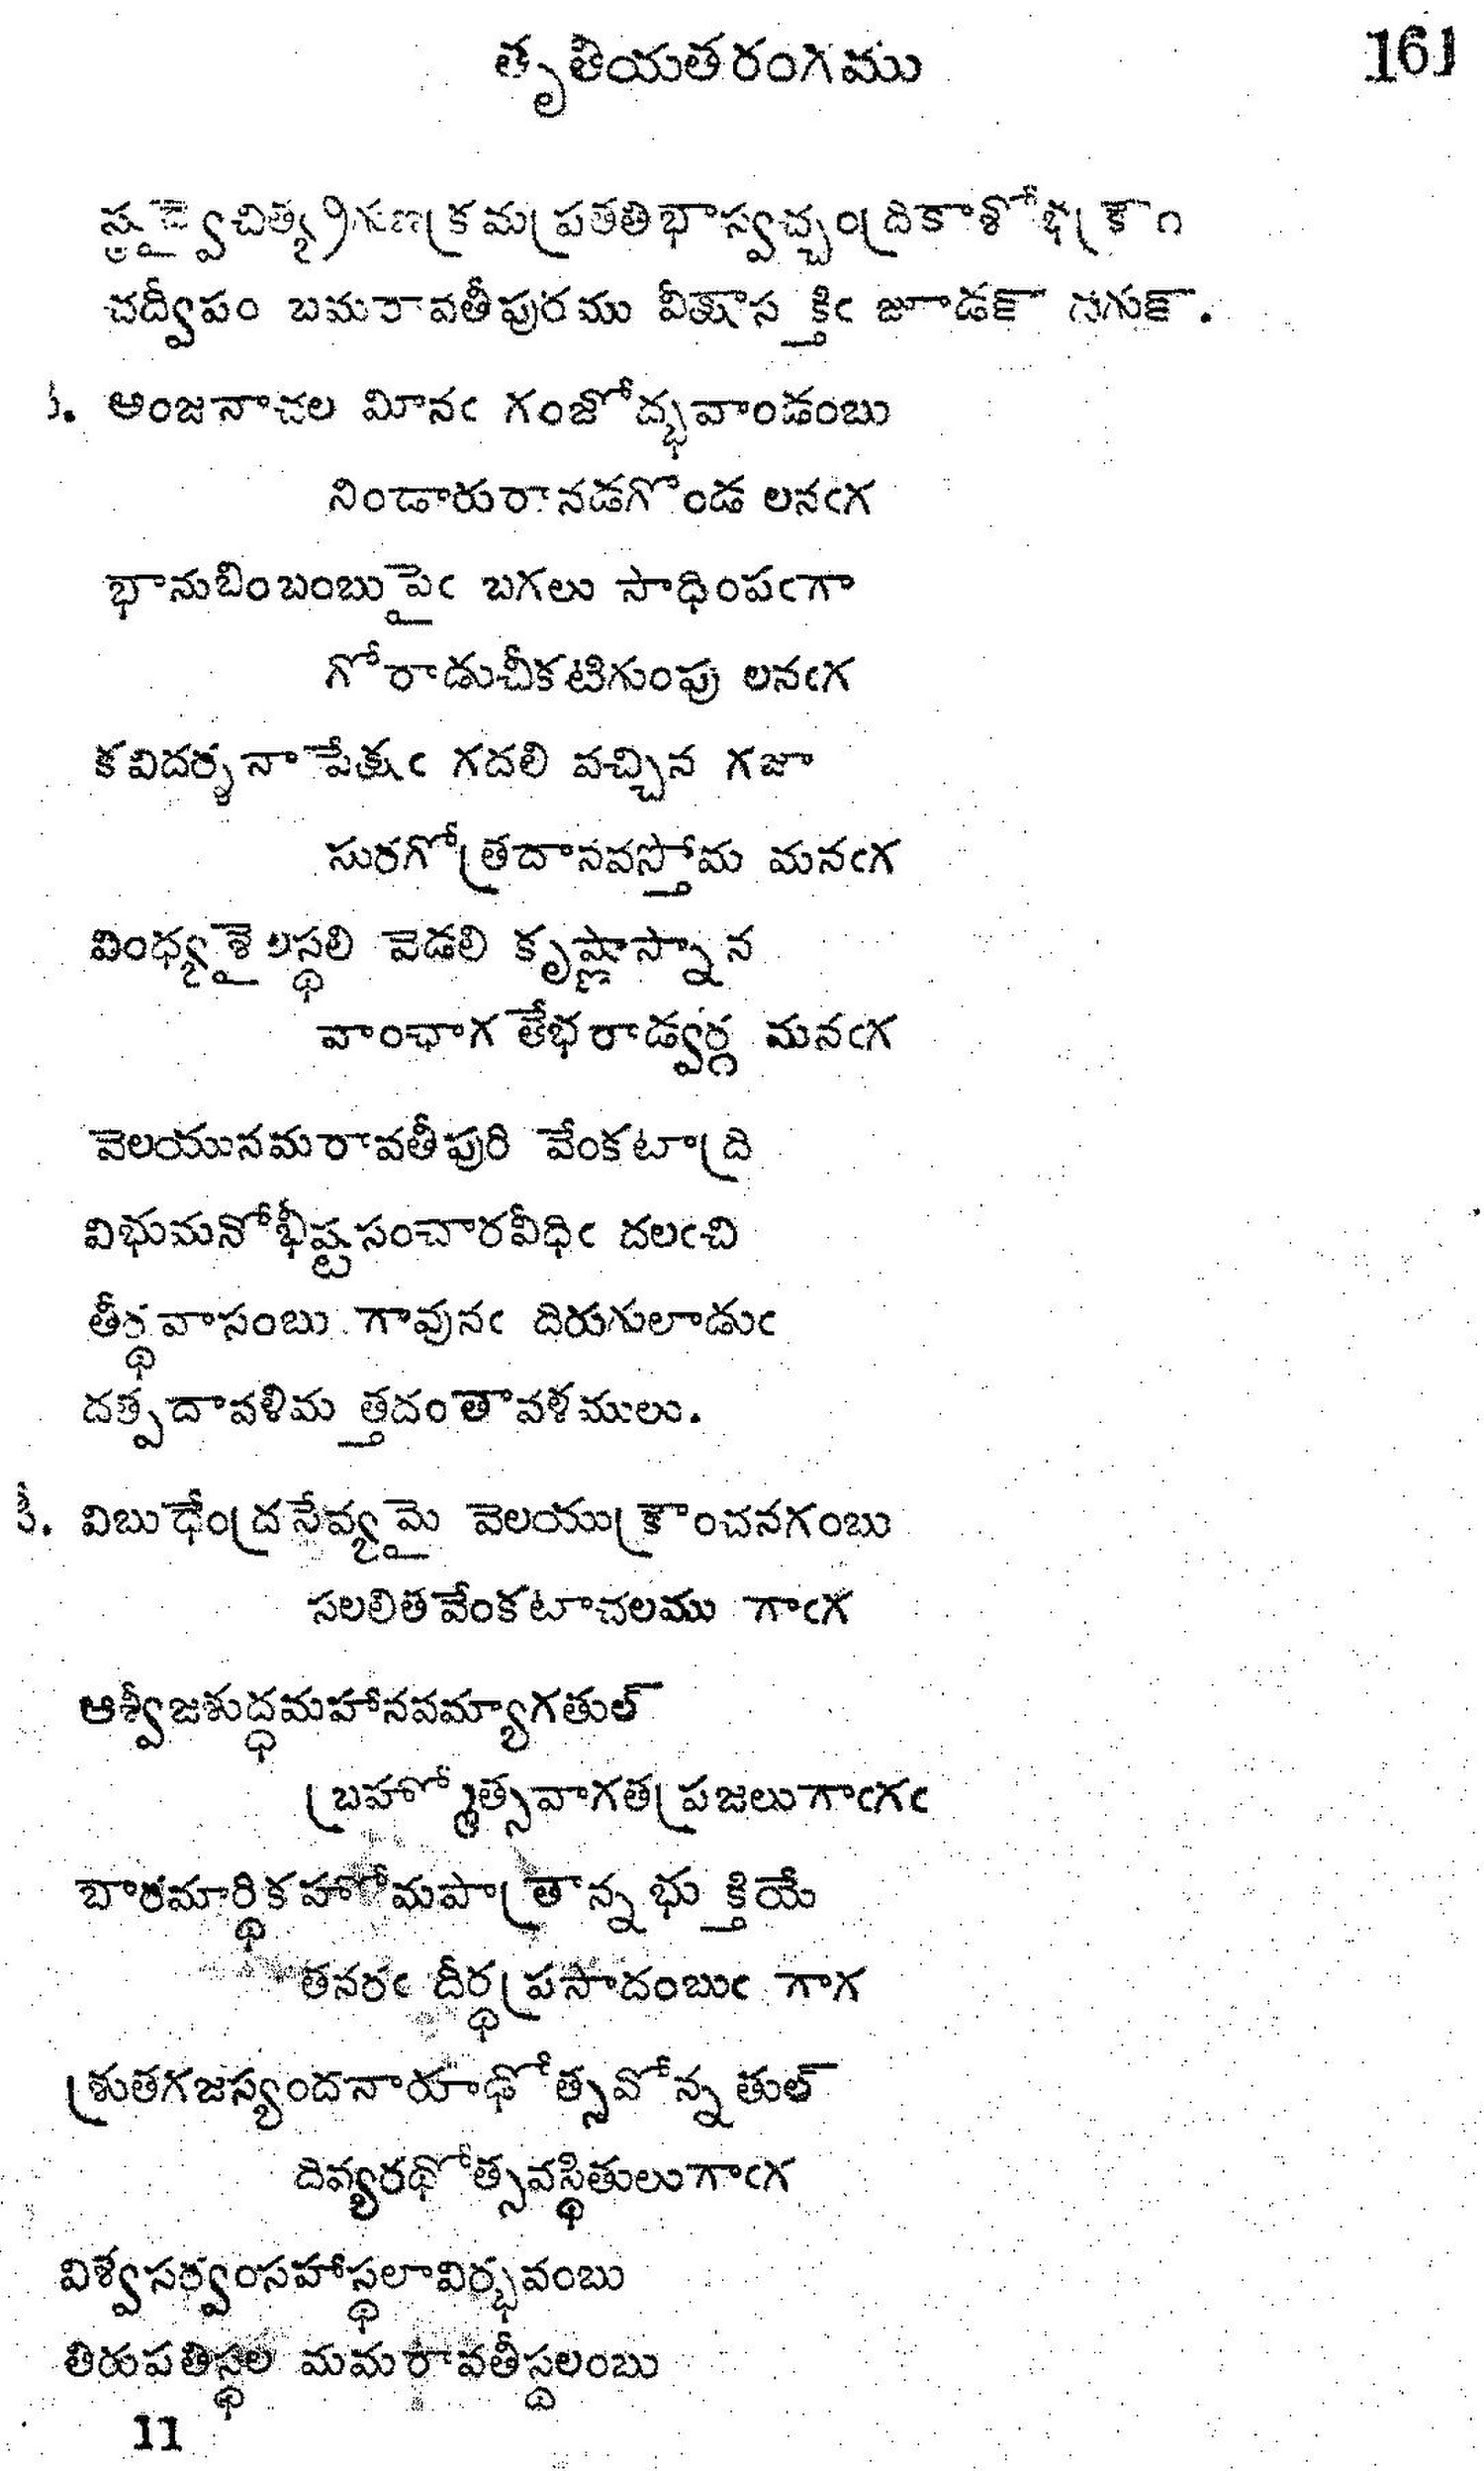ష్ఠద్వైచిత్ర్యగుణక్రమప్రతతిభాస్వచ్చంద్రికాశోభక్రౌం
 చద్వీపం బమరావతీపురము వీక్షాసక్తిఁ జూడన్ దగున్.

సీ. అంజనాచల మీనఁ గంజోద్భవాండంబు
 నిండారు రానడగొండ లనఁగ
 భానుబింబంబుపైఁ బగలు సాధింపఁగా
 గోరాడు చీకటిగుంపు లనఁగ
 కవిదర్శనాపేక్షఁ గదలి వచ్చిన గజా
 సురగోత్రదానవస్తోమ మనఁగ
 వింధ్యశైలస్థలి వెడలి కృష్ణాస్నాన
 వాంఛాగతేభరాడ్వర్గ మనఁగ
 వెలయు నమరావతీపురి వేంకటాద్రి
 విభుమనోభీష్టసంచారవీథిఁ దలఁచి
 తీర్థవాసంబు గావునఁ దిరుగులాడుఁ
 దత్పదావళిమత్తదంతావళములు.

సీ. విభుదేంద్రసేవ్యమై వెలయు క్రౌంచనగంబు
 సలలితవేంకటాచలము గాఁగ
 ఆశ్వీజశుద్ధమహానవమ్యాగతుల్
 బ్రహ్మోత్సవాగతప్రజలు గాఁగఁ
 బారమార్థికహోమపాత్రాన్నభుక్తియే
 తనరఁ దీర్థప్రసాదంబుఁ గాఁగ
 శ్రుతగజస్యందనారూఢోత్సవోన్నతుల్
 దివ్యరథోత్సవస్థితులు గాఁగ
 విశ్వసర్వంసహాస్థలావిర్భవంబు
 తిరుపతిస్థల మమరావతీస్థలంబు